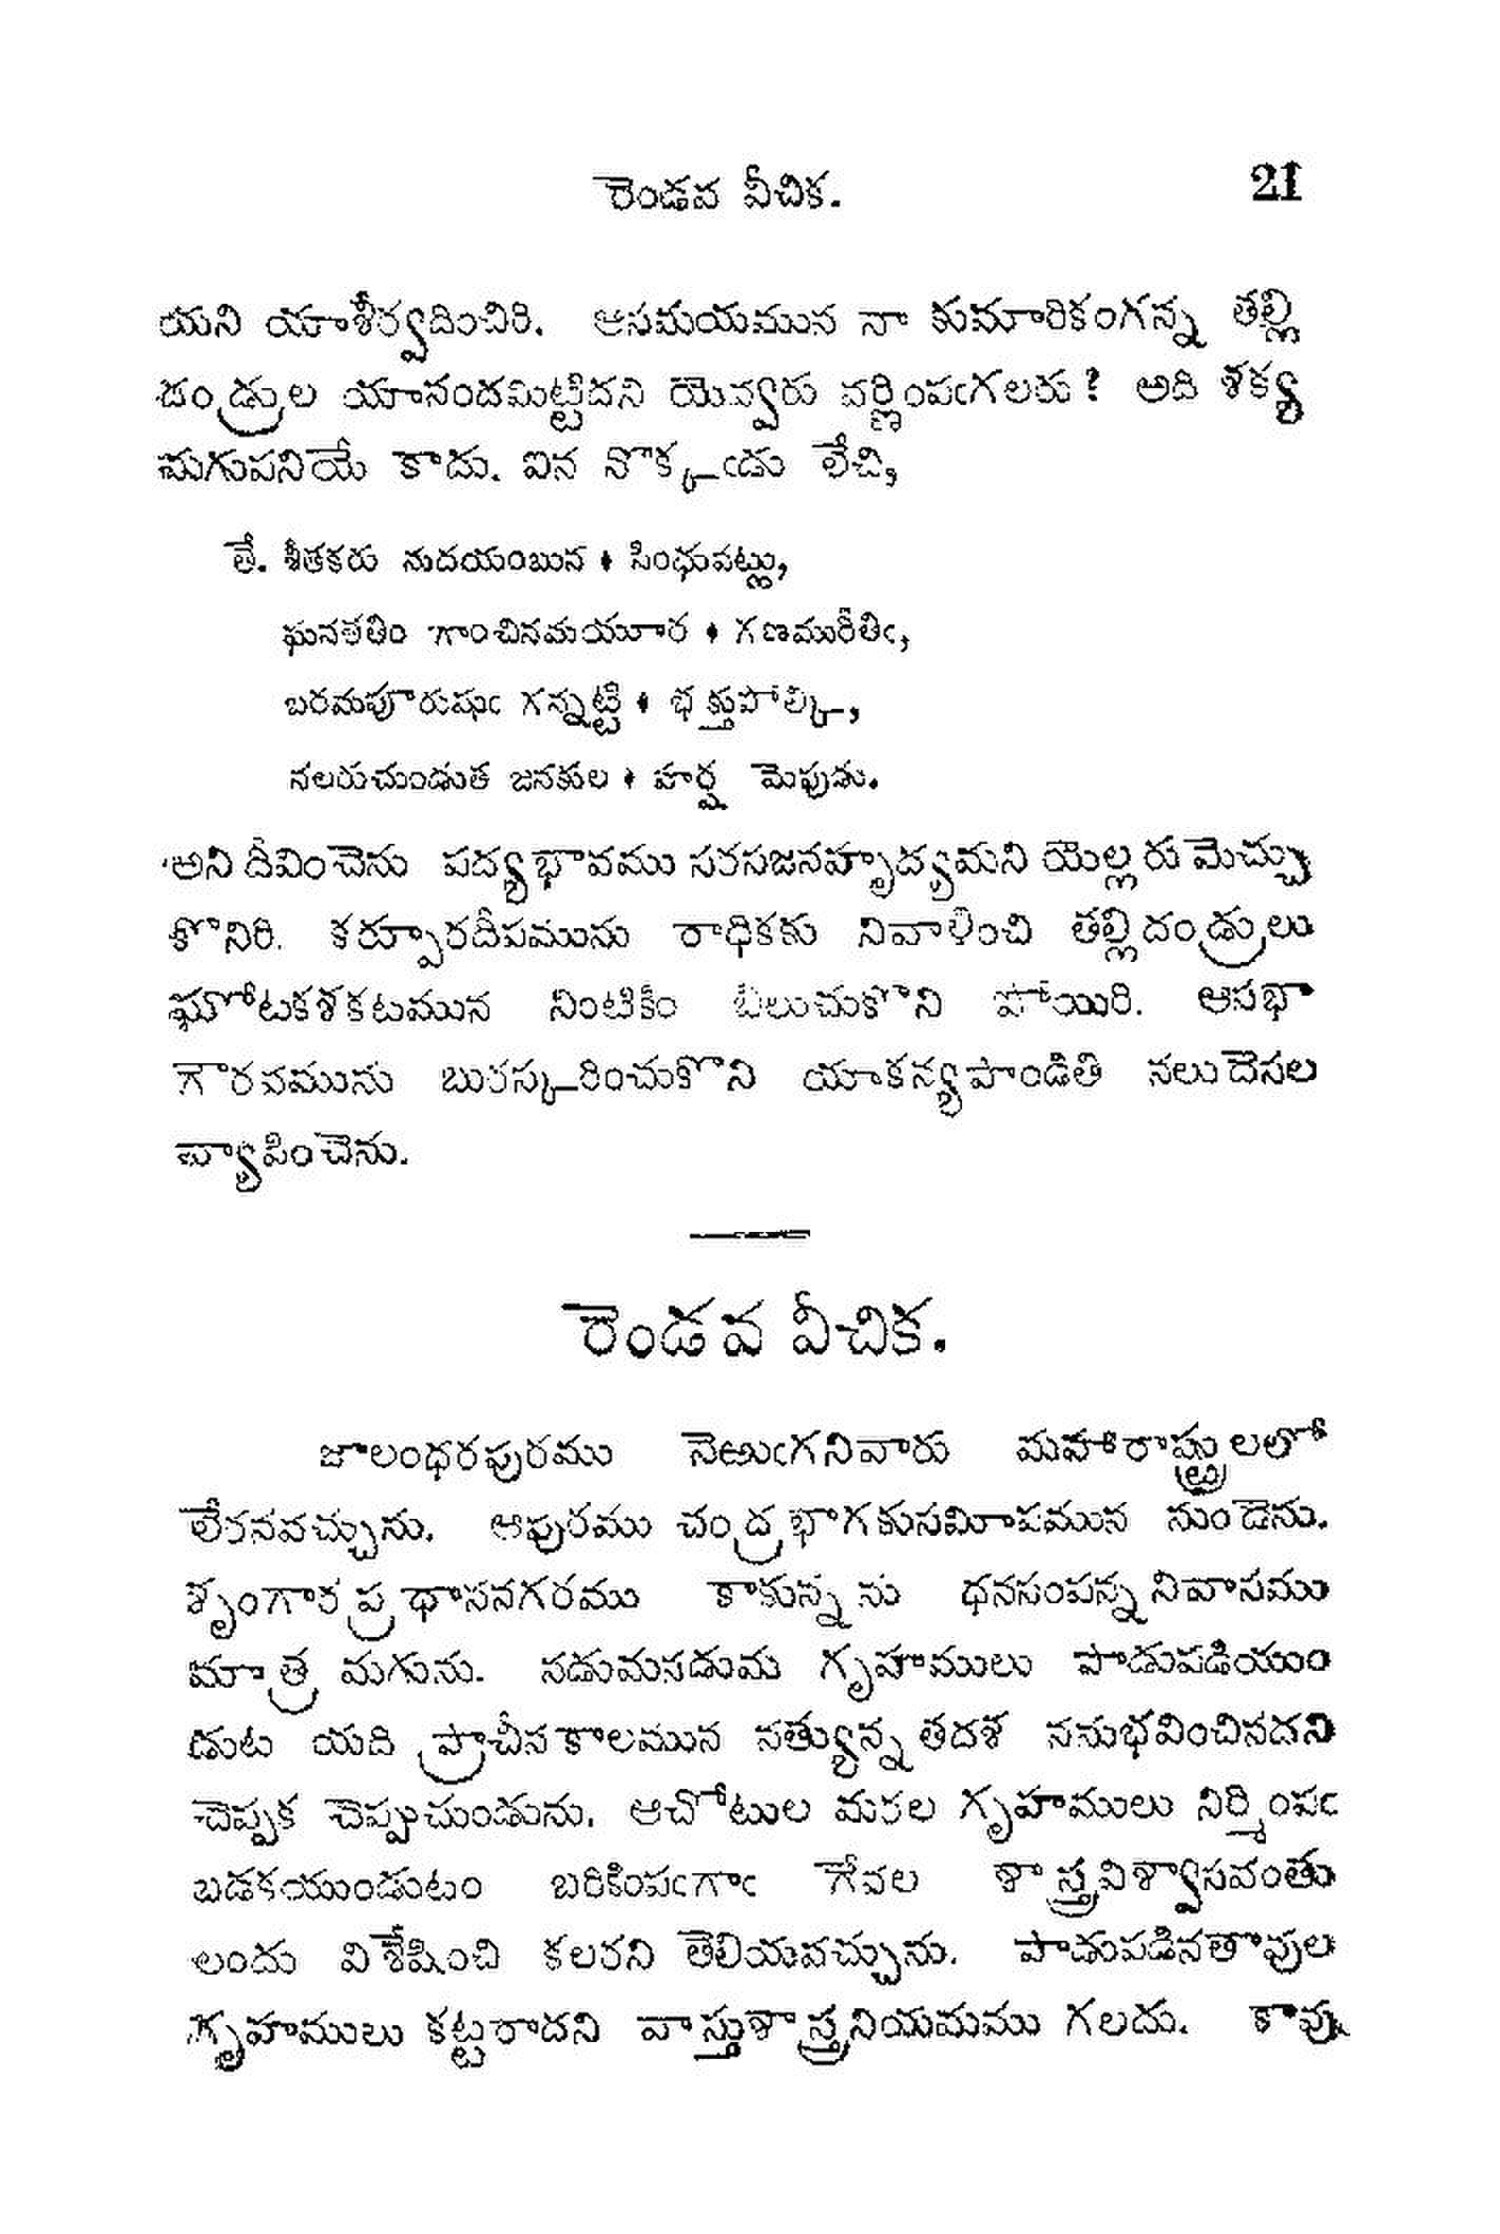యని యాశీర్వదించిరి. ఆసమయమున నా కుమారికంగన్న తల్లి దండ్రుల యానందమిట్టిదని యెవ్వరు వర్ణింపఁగలరు? అది శక్య మగుపనియే కాదు. ఐన నొక్కఁడు లేచి, 

తే. శీతకరు నుదయంబున ♦ సింధువట్లు,
ఘనతతిం గాంచినమయూర ♦ గణమురీతిఁ, 
బరమపూరుషుఁ గన్నట్టి ♦ భక్తుపోల్కి,
నలరుచుండుత జనకుల ♦ హర్ష మెపుడు.

 
అని దీవించెను పద్య భావము సరసజనహృద్యమని యెల్లరు మెచ్చు కొనిరి. కర్పూరదీపమును రాధికకు నివాళించి తల్లి దండ్రులు ఘోటకశకటమున నింటికిం బిలుచుకొని పోయిరి. ఆసభా గౌరవమును బురస్కరించుకొని యాకన్య పాండితి నలుదెసల వ్యాపించెను.

రెండవ వీచిక. 

జాలంధరపురము నెఱుఁగనివారు మహారాష్ట్రులలో లేరనవచ్చును. ఆపురము చంద్రభాగకు సమీపమున నుండెను. శృంగార ప్రధాననగరము కాకున్నను ధనసంపన్న నివాసము మాత్ర మగును. నడుమనడుమ గృహములు పాడుపడియుండుట యది ప్రాచీనకాలమున నత్యున్నతదశ ననుభవించినదని చెప్పక చెప్పుచుండును. ఆచోటుల మరల గృహములు నిర్మింపం బడక యుండుటం బరికింపఁగాఁ గేవల శాస్త్ర విశ్వాసవంతు లందు విశ్లేషించి కలరని తెలియవచ్చును. పాడుపడిన తావుల గృహములు కట్టరాదని వాస్తుశాస్త్ర నియమము గలదు. కావు.